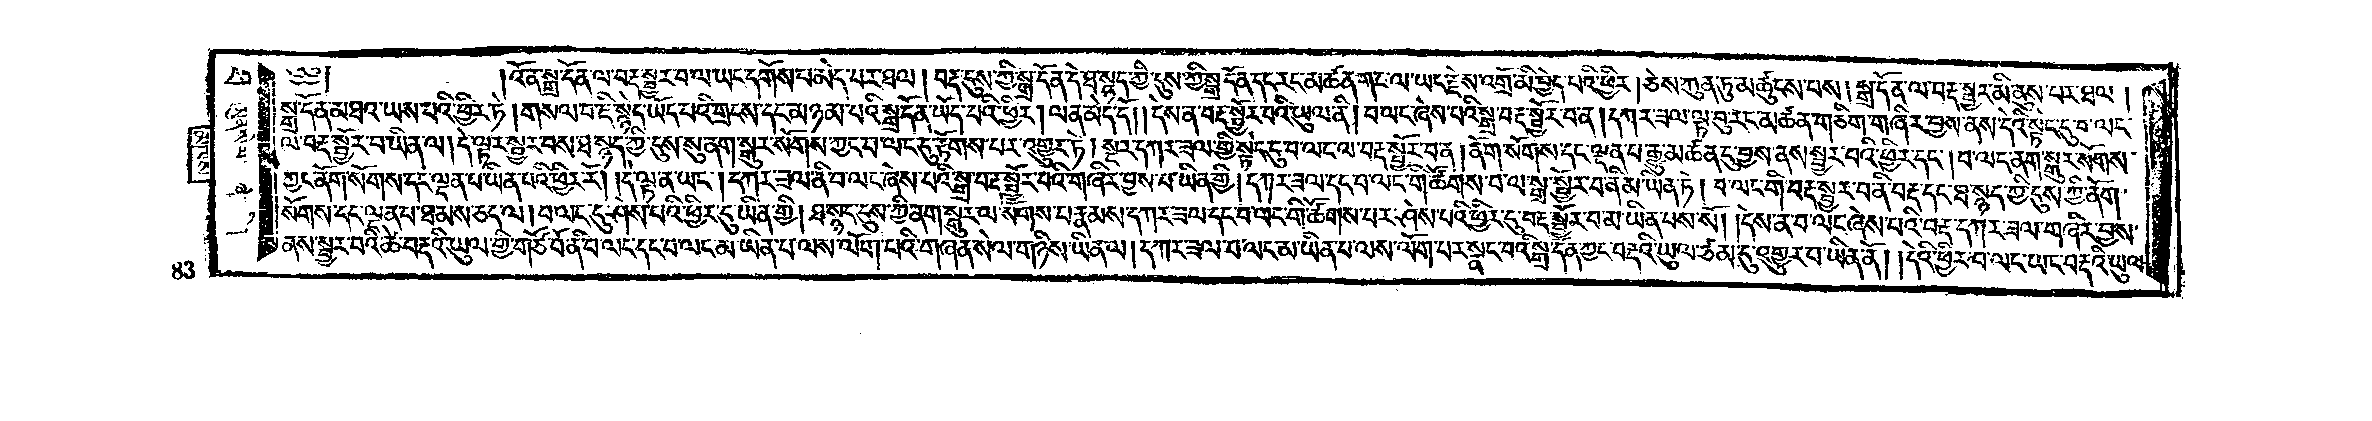༄༅། །འོ་ན་སྒྲ་དོན་ལ་བརྡ་སྦྱར་བ་ལ་ཡང་དགོས་པ་མེད་པར་ཐལ། བརྡ་དུས་ཀྱི་སྒྲ་དོན་དེ་ཐ་སྙད་ཀྱི་དུས་ཀྱི་སྒྲ་དོན་དང་རང་མཚན་གང་ལ་ཡང་རྗེས་འགྲོ་མི་བྱེད་པའི་ཕྱིར། ཅེས་ཀུན་ཏུ་མཚུངས་པས། སྒྲ་དོན་ལ་བརྡ་སྦྱར་མི་ནུས་པར་ཐལ།
སྒྲ་དོན་མཐའ་ཡས་པའི་ཕྱིར་ཏེ། གསལ་བ་ཇི་སྙེད་ཡོད་པའི་གྲངས་དང་མཉམ་པའི་སྒྲ་དོན་ཡོད་པའི་ཕྱིར། ལན་མེད་དོ། །དེས་ན་བརྡ་སྦྱོར་བའི་ཡུལ་ནི། བ་ལང་ཞེས་པའི་སྒྲ་བརྡ་སྦྱོར་བ་ན། དཀར་ཟལ་ལྟ་བུ་རང་མཚན་གཅིག་གཞིར་བྱས་ནས་དེའི་སྟེང་དུ་བ་ལང་
ལ་བརྡ་སྦྱོར་བ་ཡིན་ལ། དེ་ལྟར་སྦྱར་བས་ཐ་སྙད་ཀྱི་དུས་སུ་ནག་སྒུར་སོགས་ཀྱང་བ་ལང་དུ་རྟོགས་པར་འགྱུར་ཏེ། སྔར་དཀར་ཟལ་གྱི་སྟེང་དུ་བ་ལང་ལ་བརྡ་སྦྱོར་བ་ན། ནོག་སོགས་དང་ལྡན་པ་རྒྱུ་མཚན་དུ་བྱས་ནས་སྦྱར་བའི་ཕྱིར་དང་། བ་ལང་ནག་སྒུར་སོགས་
ཀྱང་ནོག་སོགས་དང་ལྡན་པ་ཡིན་པའི་ཕྱིར་རོ། །དེ་ལྟ་ན་ཡང་། དཀར་ཟལ་ནི་བ་ལང་ཞེས་པའི་སྒྲ་བརྡ་སྦྱོར་བའི་གཞིར་བྱས་པ་ཡིན་གྱི། དཀར་ཟལ་དང་བ་ལང་གི་ཚོགས་པ་ལ་སྒྲ་སྦྱོར་བ་ནི་མ་ཡིན་ཏེ། བ་ལང་གི་བརྡ་སྦྱར་བ་ནི་བརྡ་དང་ཐ་སྙད་ཀྱི་དུས་ཀྱི་ནོག་
སོགས་དང་ལྡན་པ་ཐམས་ཅད་ལ། བ་ལང་དུ་ཤེས་པའི་ཕྱིར་དུ་ཡིན་གྱི། ཐ་སྙད་དུས་ཀྱི་ནག་སྒུར་ལ་སོགས་པ་རྣམས་དཀར་ཟལ་དང་བ་ལང་གི་ཚོགས་པར་ཤེས་པའི་ཕྱིར་དུ་བརྡ་སྦྱོར་བ་མ་ཡིན་པས་སོ། །དེས་ན་བ་ལང་ཞེས་པའི་བརྡ་དཀར་ཟལ་གཞིར་བྱས་
ནས་སྦྱར་བའི་ཚེ་བརྡའི་ཡུལ་གྱི་གཙོ་བོ་ནི་བ་ལང་དང་བ་ལང་མ་ཡིན་པ་ལས་ལོག་པའི་གཞན་སེལ་གཉིས་ཡིན་ལ། དཀར་ཟལ་བ་ལང་མ་ཡིན་པ་ལས་ལོག་པར་སྣང་བའི་སྒྲ་དོན་ཀྱང་བརྡའི་ཡུལ་ཙམ་དུ་འགྱུར་བ་ཡིན་ནོ། །དེའི་ཕྱིར་བ་ལང་ཡང་བརྡའི་ཡུལ་